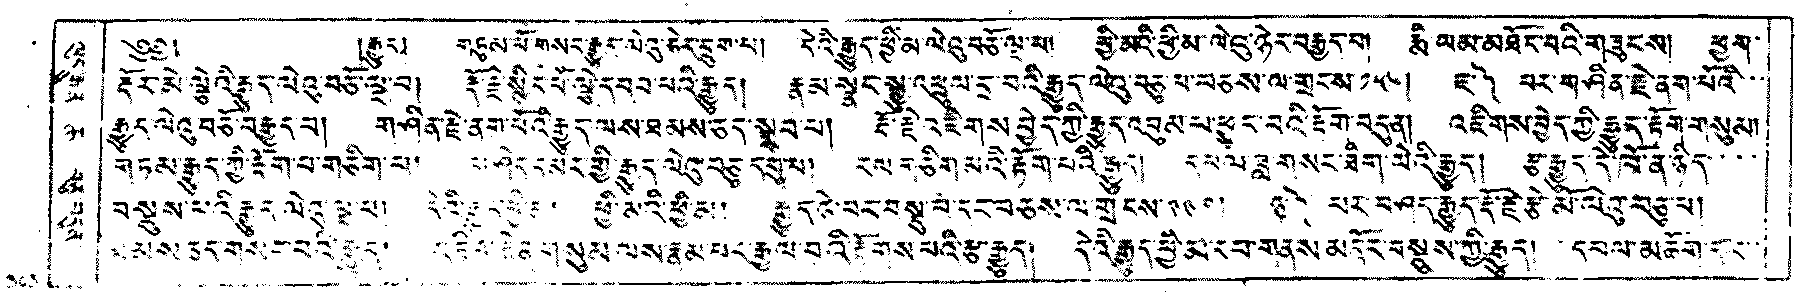༄༅། །རྒྱུད། གཏུམ་པོ་གསང་རྒྱུད་ལེའུ་ཉེར་དྲུག་པ། དེའི་རྒྱུད་ཕྱི་མ་ལེའུ་བཅོ་ལྔ་པ། ཕྱི་མའི་ཕྱི་མ་ལེའུ་ཉེར་བརྒྱད་པ། རྨི་ལམ་མཐོང་བའི་གཟུངས། ཕྱག་
རྡོར་མེ་ལྕེའི་རྒྱུད་ལེའུ་བཅོ་ལྔ་པ། རྡོ་རྗེ་སྙིང་པོ་ལྕེ་དབབ་པའི་རྒྱུད། རྣམ་སྣང་སྒྱུ་འཕྲུལ་དྲ་བའི་རྒྱུད་ལེའུ་བཅུ་པ་བཅས་ལ་གྲངས ༡༥༦། ཇ྄་པར་གཤིན་རྗེ་ནག་པོའི་
རྒྱུད་ལེའུ་བཅོ་བརྒྱད་པ། གཤིན་རྗེ་ནག་པོའི་རྒྱུད་ལས་ཐམས་ཅད་སྒྲུབ་པ། རྡོ་རྗེ་འཇིགས་བྱེད་ཀྱི་རྒྱུད་འབུམ་པ་ཕྱུང་བའི་རྟོག་བདུན། འཇིགས་བྱེད་ཀྱི་རྒྱུད་རྟོག་གསུམ།
གཏམ་རྒྱུད་ཀྱི་རྟོག་པ་གཅིག་པ། གཤེད་དམར་གྱི་རྒྱུད་ལེའུ་བཅུ་དགུ་པ། རལ་གཅིག་མའི་རྟོག་པའི་རྒྱུད། དཔལ་ཟླ་གསང་ཐིག་ལེའི་རྒྱུད། རྩ་རྒྱུད་དེ་ཁོ་ན་ཉིད་
བསྡུས་པའི་རྒྱུད་ལེའུ་ལྔ་པ། དེའི་རྒྱུད་ཕྱི་མ། ཕྱི་མའི་ཕྱི་མ། རྒྱུད་ཉེ་བར་བསྡུ་བ་དང་བཅས་ལ་གྲངས ༤༤༠། ཉ྄་པར་བཤད་རྒྱུད་རྡོ་རྗེ་རྩེ་མོ་ལེའུ་བཅུ་པ།
ཐམས་ཅད་གསང་བའི་རྒྱུད། འཇིག་རྟེན་གསུམ་ལས་རྣམ་པར་རྒྱལ་བའི་རྟོགས་པའི་རྩ་རྒྱུད། དེའི་རྒྱུད་ཕྱི་མ་རབ་གནས་མདོར་བསྡུས་ཀྱི་རྒྱུད། དཔལ་མཆོག་དང་